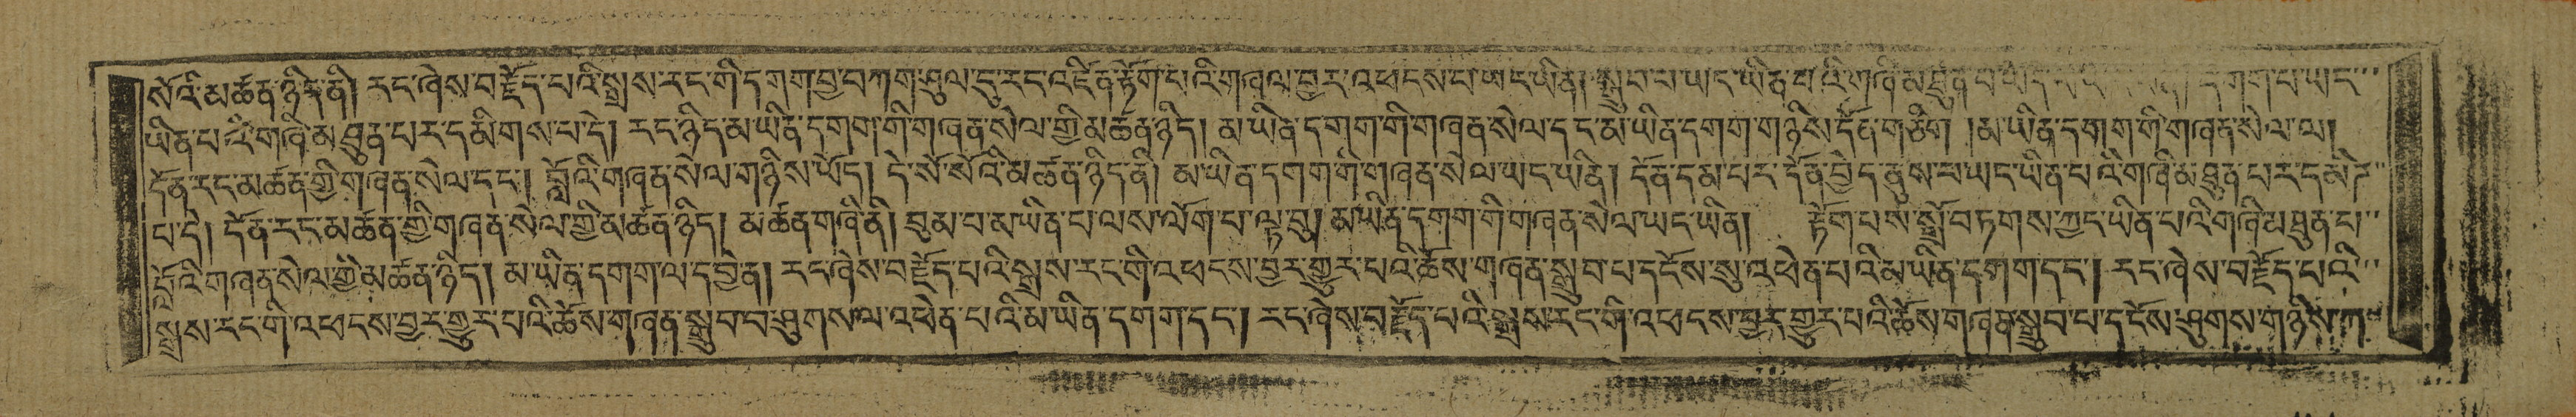སོའི་མཚན་ཉིད་ནི། རང་ཞེས་བརྗོད་པའི་སྒྲས་རང་གི་དགག་བྱ་བཀག་ཤུལ་དུ་རང་འཛིན་རྟོག་པའི་གཞལ་བྱར་འཕངས་པ་ཡང་ཡིན། སྒྲུབ་པ་ཡང་ཡིན་པའི་གཞི་མཐུན་པ་ཡོད་པ་ཡང་ཡིན། དགག་པ་ཡང་
ཡིན་པའི་གཞི་མཐུན་པར་དམིགས་པ་དེ། རང་ཉིད་མ་ཡིན་དགག་གི་གཞན་སེལ་གྱི་མཚན་ཉིད། མ་ཡིན་དགག་གི་གཞན་སེལ་དང་མ་ཡིན་དགག་གཉིས་དོན་གཅིག །མ་ཡིན་དགག་གི་གཞན་སེལ་ལ།
དོན་རང་མཚན་གྱི་གཞན་སེལ་དང་། བློའི་གཞན་སེལ་གཉིས་ཡོད། དེ་སོ་སོའི་མཚན་ཉིད་ནི། མ་ཡིན་དགག་གི་གཞན་སེལ་ཡང་ཡིན། དོན་དམ་པར་དོན་བྱེད་ནུས་པ་ཡང་ཡིན་པའི་གཞི་མཐུན་པར་དམིགས་
པ་དེ། དོན་རང་མཚན་གྱི་གཞན་སེལ་གྱི་མཚན་ཉིད། མཚན་གཞི་ནི། བུམ་པ་མ་ཡིན་པ་ལས་ལོག་པ་ལྟ་བུ། མ་ཡིན་དགག་གི་གཞན་སེལ་ཡང་ཡིན། རྟོག་པས་སྒྲོ་བཏགས་ཀྱང་ཡིན་པའི་གཞི་མཐུན་པ་
བློའི་གཞན་སེལ་གྱི་མཚན་ཉིད། མ་ཡིན་དགག་ལ་དབྱེ་ན། རང་ཞེས་བརྗོད་པའི་སྒྲས་རང་གི་འཕངས་བྱར་གྱུར་པའི་ཆོས་གཞན་སྒྲུབ་པ་དངོས་སུ་འཕེན་པའི་མ་ཡིན་དགག་དང་། རང་ཞེས་བརྗོད་པའི་
སྒྲས་རང་གི་འཕངས་བྱར་གྱུར་པའི་ཆོས་གཞན་སྒྲུབ་པ་ཤུགས་ལ་འཕེན་པའི་མ་ཡིན་དགག་དང་། རང་ཞེས་བརྗོད་པའི་སྒྲས་རང་གི་འཕངས་བྱར་གྱུར་པའི་ཆོས་གཞན་སྒྲུབ་པ་དངོས་ཤུགས་གཉིས་ཀ་